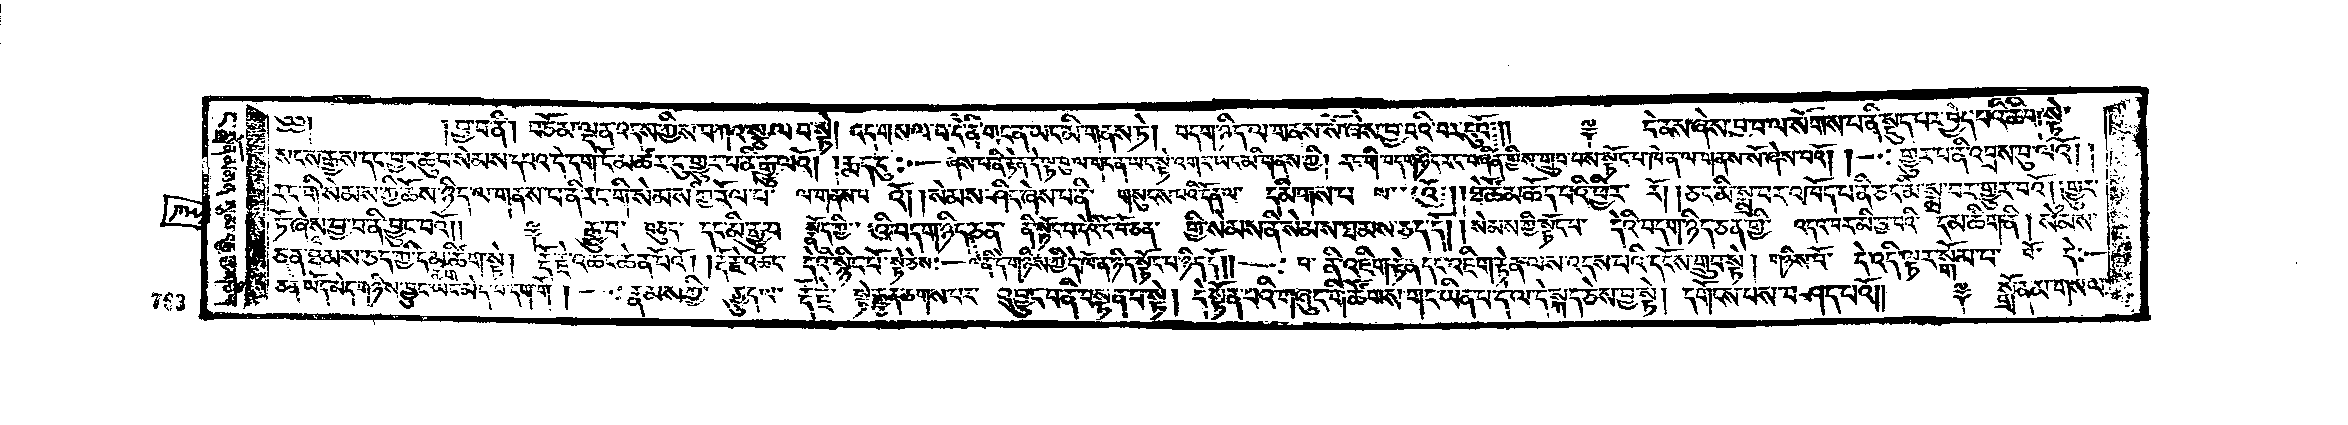༄༅། །བྱ་བ་ནི། བཅོམ་ལྡན་འདས་ཀྱིས་བཀའ་སྩལ་བ་སྟེ། འོད་གསལ་བ་དེ་ནི་གང་ན་ཡང་མི་གནས་ཏེ། བདག་ཉིད་ལ་གནས་སོ་ཞེས་བྱ་བའི་བར་དུའོ།། ༈ དེ་ནས་ཞེས་བྱ་བ་ལ་སོགས་པ་ནི་སྡུད་པར་བྱེད་པའི་ཚིག་སྟེ་
སངས་རྒྱས་དང་བྱང་ཆུབ་སེམས་དཔའ་དེ་དག་ངོ་མཚར་དུ་གྱུར་པ་ནི་རྒྱུ་ལའོ། །རྨད་དུཿ་ཞེས་པ་ནི་རྟེན་དེ་ལྟ་བུ་ལ་གང་ན་ཡང་སྟེ་འགར་ཡང་མི་གནས་ཀྱི། རང་གི་བདག་ཉིད་རང་བཞིན་གྱིས་གྲུབ་པས་སྟོང་པ་ཁོ་ན་ལ་གནས་སོ་ཞེས་པའོ།  །.Hགྱུར་པ་ནི་འབྲས་བུ་ལའོ། །
རང་གི་སེམས་ཀྱི་ཆོས་ཉིད་ལ་གནས་པ་ནི་རང་གི་སེམས་ཀྱི་རོལ་པ་ལ་གནས་པའོ། །སེམས་ཤིང་ཞེས་པ་ནི་གསུངས་པའི་དོན་ལ་དམིགས་པས་འོ། །ཐེ་ཚོམ་ཆོད་པའི་ཕྱིར་རོ། །ཅང་མི་སྨྲ་བར་འཁོད་པ་ནི་ཅང་མི་སྨྲ་བར་གྱུར་བའོ། །གྱུར་
ཏོ་ཞེས་བྱ་བ་ནི་བྱུང་བའོ། ། ༈ རྒྱུ་བ་བཅུད་དང་མི་རྒྱུ་བ་སྣོད་ཀྱི་འི་བདག་ཉིད་ཅན་ནི་སྟོང་པ་དེའི་ངོ་བོ་ཅན་གྱི་སེམས་ནི་སེམས་ཐམས་ཅད་དོ། །སེམས་ཀྱི་སྟོང་པ་དེའི་བདག་ཉིད་ཅན་གྱི་འདའ་བར་མི་བྱ་བའི་དམ་ཚིག་ནི། སེམས་
ཅན་ཐམས་ཅད་ཀྱི་དམ་ཚིག་སྟེ། རྡོ་རྗེ་འཆང་ཆེན་པོའོ། །རྡོ་རྗེ་འཆང་དེའི་སྙིང་པོ་སྟེ་ཅེསཿ་༧ནི་དེ་གཉིས་ཀྱི་དེ་ཁོ་ན་ཉིད་སྟེང་པ་ཉིད་དོ།།.H བ་ནི་འཇིག་རྟེན་དང་འཇིག་རྟེན་ལས་འདས་པའི་དངོས་གྲུབ་སྟེ། གཉིས་པོ་དེ་འདི་ལྟར་སྒོམ་པ་པོ་དེཿ
ཅན་ཡོད་མེད་གཉིས་བྱུང་ཆག་ཡང་མེད་པ་དག་གོ། .H རྣམས་ཀྱི་རྒྱུད་ལ་རྡོ་རྗེ་སྟེ་རྒྱུན་ཆགས་པར་འབྱུང་བ་ནི་བསྟན་པ་སྟེ། དེ་སྟོན་པའི་གཞུང་གི་ཚོགས་གང་ཡིན་པ་དེ་ལ་དེ་སྐད་ཅེས་བྱ་སྟེ། དགོངས་པས་བཤད་པའོ།། ༈ སྒྲོན་མ་གསལ་